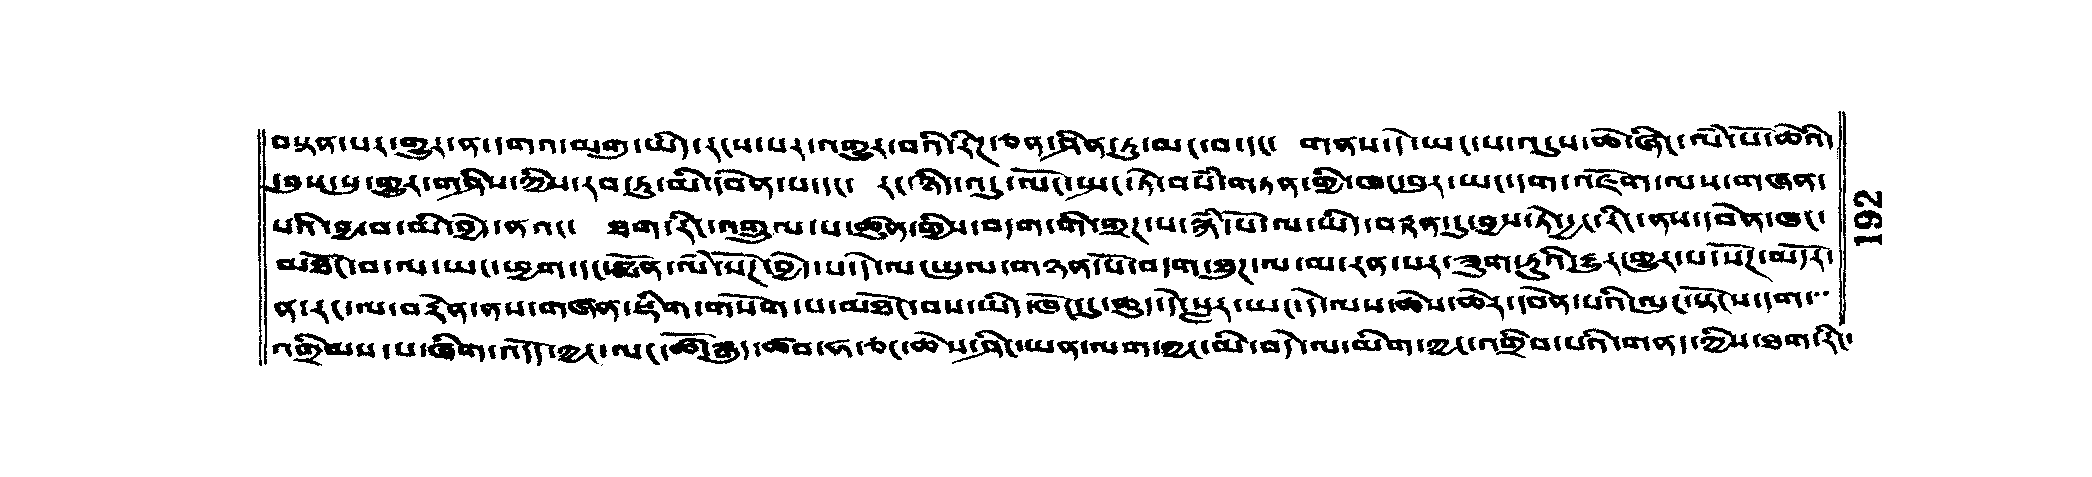བསྟན་པར་གྱུར་ན་དགའ་མགུ་ཡིད་རངས་པར་འགྱུར་བའི་རིགས་ཅན་ཤིན་ཏུ་མང་བ་དང་། གནས་དེ་ཡང་ས་འདུས་ཆེ་ཞིང་ལམ་པོ་ཆེའི་
དབུས་སུ་གྱུར་གཤིས་ཀྱིས་རབ་ཏུ་མི་དབེན་པ་དང་། རང་ཉིད་འདུ་ལོང་སྤངས་ཏེ་བསམ་གཏན་གྱི་ཁང་བུར་ཡང་དག་འཇོག་ལས་གཞན་
པའི་བྱ་བ་མི་བྱེད་ནའང་། ཐག་རིང་འགྲུལ་པ་ཚུན་གྱིས་བདག་གི་གྲགས་པ་སྐམ་པོ་ལ་ཡིད་བརྟན་དུ་བྱས་ཏེ་རྒྱང་རིང་ནས་དབེན་ཁང་
མཐོང་བ་ལ་ཡང་ཕྱག་དང་སྨོན་ལམ་སོགས་བྱེད་པ་དེ་ལ་ཡུལ་གཉན་པོ་བདག་ཐུགས་ལ་མ་རན་པར་ཟུག་རྔུར་གྱུར་པ་སོགས་མདོར་
ན་རང་ལ་བརྟེན་ནས་གཞན་སྡིག་གསོག་པ་མཐོང་བས་ཡིད་ཁོང་དུ་ཆུད་དེ་སླར་ཡང་དེ་ལས་ཆེས་ཆེར་དབེན་པའི་ལུང་སྟོངས་དག་
འགྲིམས་པ་ཞིག་འདོད་ཀྱང་ལང་ཚོ་རྒུད་ཚབས་ཧ་ཅང་ཆེ་ཤིང་ཡན་ལག་ཀྱང་མི་བདེ་ལ་མིག་ཀྱང་འགྲིབ་པའི་གནད་ཀྱིས་ཐག་རིང་